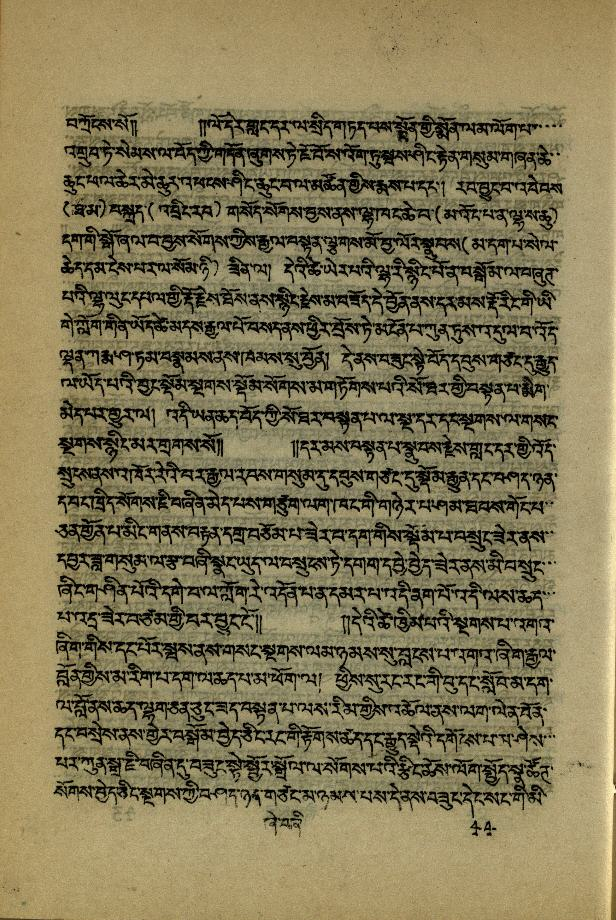བཀྲོངས་སོ།། །།ལོ་དེར་གླང་དར་ལ་སྲིད་གཏད་པས་སྔོན་གྱི་སྨོན་ལམ་ལོག་པ་
འགྲུབ་ཏེ་སེམས་ལ་བོད་ཀྱི་གདོན་ཞུགས་ཏེ་ཇོ་བོ་ས་འོག་ཏུ་སྦས་ཤིང་རྟེན་གསུམ་གཞན་ཆེ་
ཆུང་ཕལ་ཆེར་མེ་ཆུར་འཕངས་ཤིང་ཆུང་བ་ལ་མཚོན་གྱིས་རྨས་པ་དང་། རབ་བྱུང་བ་འབེབས་
ཐ་མ་བསྐྲད་འབྲིང་རབ་གསོད་སོགས་བྱས་ནས་ལྷ་ཁང་ཆེ་བ་མ་འོང་པ་ན་ལྷ་ས་ཆུ
དག་གི་སྒོ་ཞལ་བ་བྱས་སོགས་ཀྱིས་རྒྱལ་བསྟན་ལྕགས་མོ་བྱ་ལོར་སྣུབས་མ་དག་པ་སེལ་
ཆེད་དམ་ངེས་པར་ལ་སོམ་ཉི་ཟིན་ལ། དེའི་ཚེ་ཡེར་པའི་ལྷ་རི་སྙིང་པོ་ན་བསྒོམ་ལ་བཞུཊ་
པའི་ལྷ་ལུང་དཔལ་གྱི་རྡོ་རྗེས་ཐོས་ནས་སྙིང་རྗེས་མ་བཟོད་དེ་བྱོན་ནས་དར་མས་རྡོ་རིང་གི་ཡི་
གེ་ཀློག་གིན་ཡོད་ཚེ་མདས་རྒྱལ་པོ་བསད་ནས་ཕྱིར་བྲོས་ཏེ་མངོན་པ་ཀུན་ཏུས་འདུལ་བ་འོད་
ལྡན་ཀརྨ་ཤ་ཏམ་བསྣམས་ནས་ཁམས་སུ་བྱོན། དེ་ནས་བཟུང་སྟེ་བོད་དབུས་གཙང་དུ་རྒྱུད་
ལ་ཡོད་པའི་བྱང་སྡོམ་སྔགས་སྡོམ་སོགས་མ་གཏོགས་པའི་སོ་ཐར་གྱི་བསྟན་པ་རྨིག་
མེད་པར་གྱུར་ལ། འདི་ཡན་ཆད་བོད་ཀྱི་སོ་ཐར་བསྟན་པ་ལ་སྔ་དར་དང་སྔགས་ལ་གསང་
སྔགས་སྙིང་མར་གྲགས་སོ།། །།དར་མས་བསྟན་པ་སྣུབས་རྗེས་གླང་དར་གྱི་འོད་
སྲུངས་ནས་འཁོར་རེའི་བར་རྒྱལ་རབས་གསུམ་དུ་དབུས་གཙང་དུ་སྡོམ་རྒྱུན་དང་བཤད་ཉན་
དབང་ཁྲིད་སོགས་ཇི་བཞིན་མེད་པས་གཙུག་ལག་ཁང་གི་གཉེར་པ་ཤམ་ཐབས་གོང་པ་
ཅན་གྱོན་པ་མིང་གནས་བརྟན་དགྲ་བཅོམ་པ་ཟེར་བ་དག་གིས་སྡོམ་པ་བསྲུང་ཟེར་ནས་
དབྱར་ཟླ་གསུམ་ལ་རྩ་བཞི་སྣང་ཡུད་ལ་བསྲུངས་ཏེ་དགག་དབྱེ་བྱེད་ཟེར་ནས་མི་བསྲུང་
ཞིང་གཤིན་པོའི་དགེ་བ་ལ་ཀློག་རེ་འདོན་པ་ན་དམར་པ་འདི་ནག་པོ་འདི་ལས་ཆད་
པ་འདྲ་ཟེར་བ་ཙམ་གྱི་བར་བྱུང་ངོ།། །།དེའི་ཚེ་ཁྱིམ་པའི་སྔགས་པ་འགའ་
ཞིག་གིས་དང་པོར་སྦས་ནས་གསང་སྔགས་ལམ་ཉམས་སུ་བླངས་པ་འགའ་ཞིག་རྒྱལ་
བློན་གྱིས་མ་རིག་པ་དག་ལ་ཆད་པ་མ་ཕོག་ལ། ཕྱིས་སུ་རང་རང་གི་བུ་དང་སློབ་མ་དག་
ལ་བློ་ནས་ཆད་ལྷག་ཅན་ཅུང་ཟད་བསྟན་པ་ལས་རིམ་གྱིས་འཆོལ་ནས་ལག་ལེན་བོན་
དང་བསྲེས་ནས་གྱེར་བསྒོམ་བྱེད་ཅིང་རང་གི་རྟོགས་ཚད་དང་རྒྱུད་སྡེའི་དགོངས་པ་མ་ཤེས་
པར་ཀུན་སྒྲ་ཇི་བཞིན་དུ་བཟུང་སྟེ་སྦྱོར་སྒྲོལ་ལ་སོགས་པའི་རྩིང་ཆོས་ལོག་སྤྱོད་སྣ་ཚོཊ་
སོགས་བྱེད་ཅིང་སྔགས་ཀྱི་བཤད་ཉན་གཙང་མ་ཉམས་པས་དེ་ནས་བཟུང་དེང་སང་གི་མི་